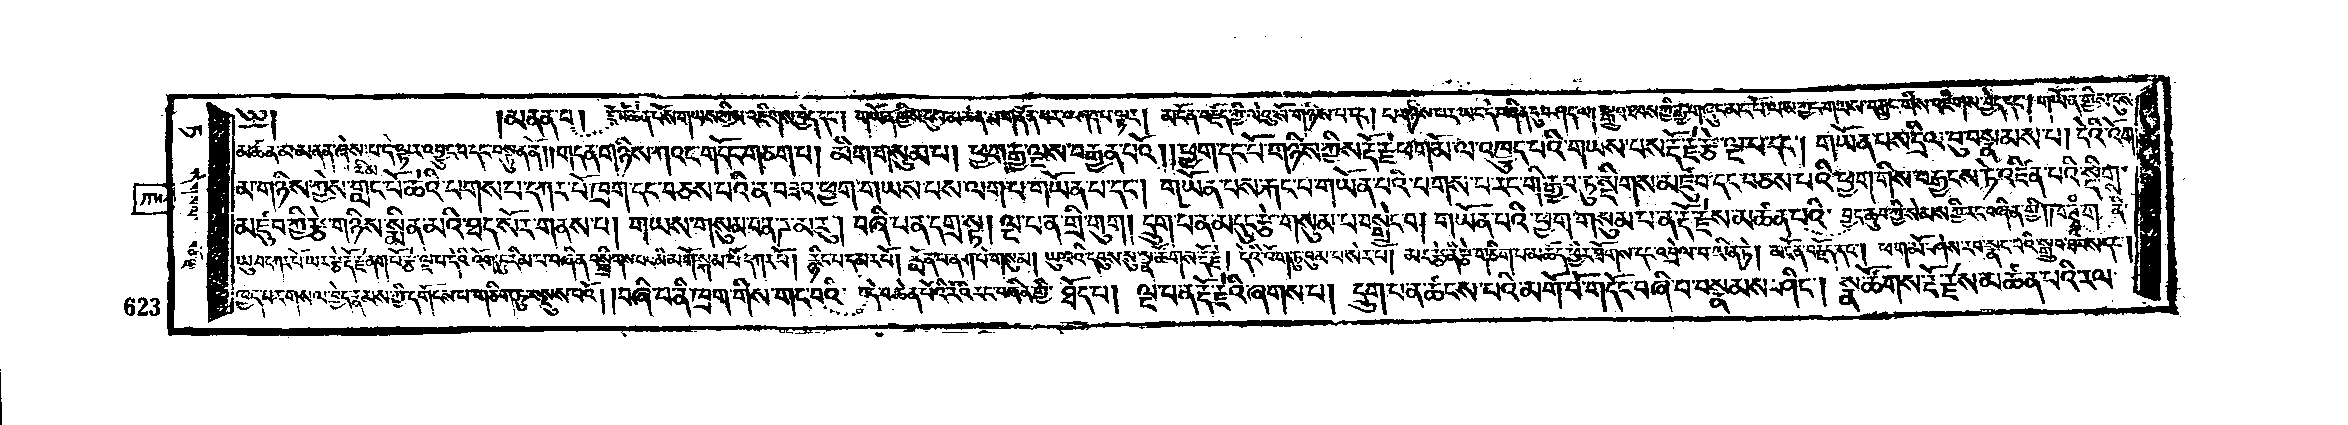༄༅། །མནན་པ། ཇོ་བོ་ཆེན་པོས་གཡས་ཀྱིས་འཇིགས་བྱེད་དང་། གཡོན་གྱིས་དུས་མཚན་མ་གནོན་པར་བཤད་པ་ལྟར། མངོན་བརྗོད་ཀྱི་ལེའུ་སོ་གཉིས་པ་དང་། ང་གཉིས་པར་ཡང་དེ་བཞིན་དུ་བཤད་ལ། སྒྲུབ་ཐབས་ཀྱི་རྒྱ་གཞུང་མང་པོ་ལས་ཀྱང་གཡས་བརྐྱང་གིས་འཇིགས་བྱེད་དང་། གཡོན་གྱིས་དུས་
མཚན་མ་མནན་ཞེས་རིམ་པ་དེ་ལྟར་འབྱུང་བ་དང་བསྟུན་ནོ། །གདན་གཉིས་ཀའང་གདོང་གཅིག་པ། མིག་གསུམ་པ། ཕྱག་རྒྱ་ལྔས་བརྒྱན་པའོ། །ཕྱག་དང་པོ་གཉིས་ཀྱིས་རྡོ་རྗེ་ཕག་མོ་ལ་འཁྱུད་པའི་གཡས་པས་རྡོ་རྗེ་རྩེ་ལྔ་པ་དང་། གཡོན་པས་དྲིལ་བུ་བསྣམས་པ། དེའི་འོག་
མ་གཉིས་ཀྱིས་གླང་པོ་ཆེའི་པགས་པ་དཀར་པོ་ཁྲག་དང་བཅས་པའི་ན་བཟའ་ཕྱག་གཡས་པས་ལག་པ་གཡོན་པ་དང་། གཡོན་པས་རྐང་པ་གཡོན་པའི་པགས་པ་རང་གི་རྒྱབ་ཏུ་སྡིགས་མཛུབ་དང་བཅས་པའི་ཕྱག་གིས་བརྒྱངས་ཏེ་འཛིན་པའི་སྡིགས་
མཛུབ་ཀྱི་རྩེ་གཉིས་སྨིན་མའི་ཐད་སོར་གནས་པ། གཡས་གསུམ་བ་ན་ཌ་མ་རུ། བཞི་པ་ན་དགྲ་སྟ། ལྔ་པ་ན་གྲི་གུག །དྲུག་པ་ན་མདུང་རྩེ་གསུམ་པ་བསྒྲེང་བ། གཡོན་པའི་ཕྱག་གསུམ་པ་ན་རྡོ་རྗེས་མཚན་པའི། བྱང་ཆུབ་ཀྱི་སེམས་ཀྱི་རང་བཞིན་གྱི། ཁ་ཊྭཱཾ་ག་ནི་
ཡུབ་དཀར་པོས་ཡར་རྩེ་རྡོ་རྗེ་ནག་པོ་རྩེ་ལྔ་པ་དེའི་འོག་ཏུ་རིམ་པ་བཞིན་བསྒྲིགས་པའི་མི་མགོ་སྐམ་པོ་དཀར་པོ། རྙིང་པ་དམར་པོ། རློན་པ་ནག་པོ་གསུམ། ཡུ་པའི་དབུས་སུ་སྣ་ཚོགས་རྡོ་རྗེ། དེའི་འོག་ཏུ་བུམ་པ་སེར་པོ། མར་རྩེ་ནི་རྩེ་གཅིག་པ་མཆོད་ཕྱིར་ཐོགས་དང་འབྲེལ་བ་ཡིན་ཏེ། མངོན་བརྗོད་དང་། ཕག་མོ་ཤེས་རབ་སྣང་བའི་སྒྲུབ་ཐབས་དང་།
ཁྱད་པར་གསལ་བྱེད་རྣམས་ཀྱི་དགོངས་པ་གཅིག་ཏུ་བསྡུས་པའོ། །བཞི་པ་ནི་ཁྲག་གིས་གང་བའི་བདེ་བ་ཆེན་པོའི་རོའི་རང་བཞིན་གྱི་ཐོད་པ། ལྔ་པ་ན་རྡོ་རྗེའི་ཞགས་པ། དྲུག་པ་ན་ཚངས་པའི་མགོ་བོ་གདོང་བཞི་པ་བསྣམས་ཤིང་། སྣ་ཚོགས་རྡོ་རྗེས་མཚན་པའི་རལ་